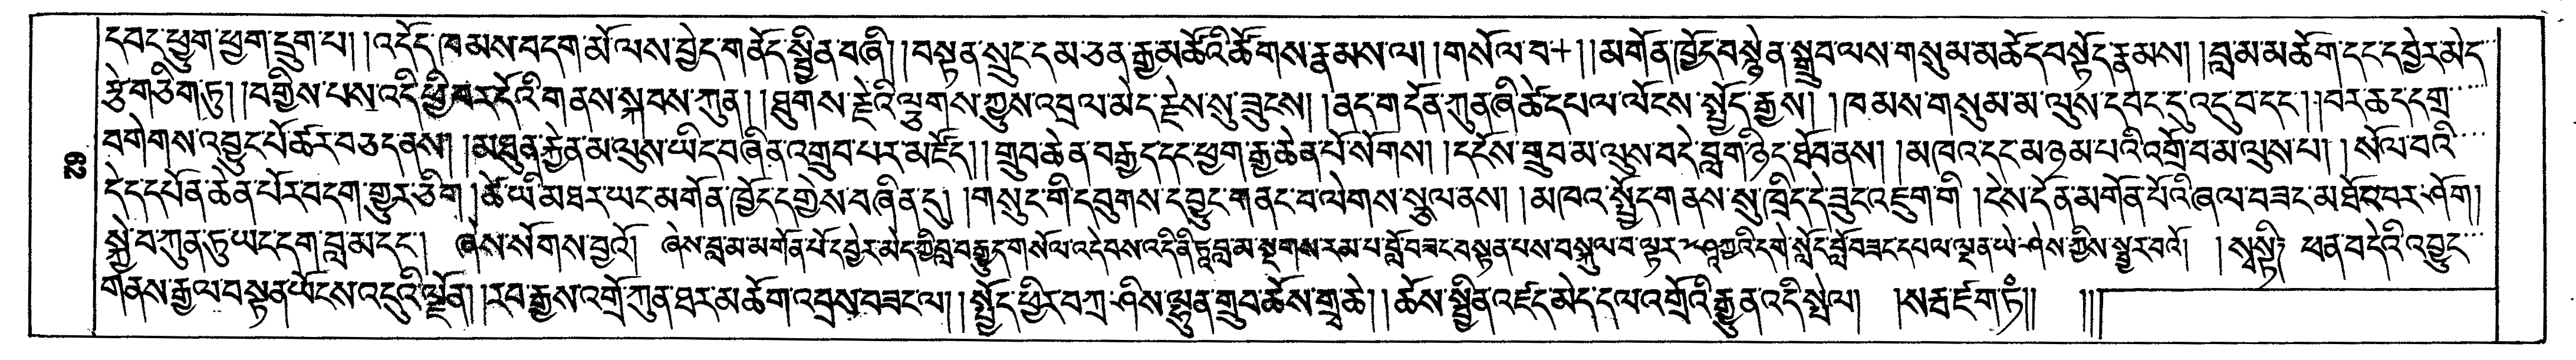དབང་ཕྱུག་ཕྱག་དྲུག་པ། །འདོད་ཁམས་བདག་མོ་ལས་བྱེད་གནོད་སྦྱིན་བཞི། །བསྟན་སྲུང་དམ་ཅན་རྒྱ་མཚོའི་ཚོགས་རྣམས་ལ། །གསོལ་བ། །མགོན་ཁྱོད་བསྙེན་སྒྲུབ་ལས་གསུམ་མཆོད་བསྟོད་རྣམས། །བླ་མ་མཆོག་དང་དབྱེར་མེད་
རྩེ་གཅིག་ཏུ། །བགྱིས་པས་འདི་ཕྱི་བར་དོའི་གནས་སྐབས་ཀུན། །ཐུགས་རྗེའི་ལྕགས་ཀྱུས་འབྲལ་མེད་རྗེས་སུ་ཟུངས། །ནད་གདོན་ཀུན་ཞི་ཚེ་དཔལ་ལོངས་སྤྱོད་རྒྱས། །ཁམས་གསུམ་མ་ལུས་དབང་དུ་འདུ་བ་དང་། །བར་ཆད་དགྲ་
བགེགས་འབྱུང་པོ་ཚར་བཅད་ནས། །མཐུན་རྐྱེན་མ་ལུས་ཡིད་བཞིན་འགྲུབ་པར་མཛོད། །གྲུབ་ཆེན་བརྒྱད་དང་ཕྱག་རྒྱ་ཆེན་པོ་སོགས། །དངོས་གྲུབ་མ་ལུས་བདེ་བླག་ཉིད་ཐོབ་ནས། །མཁའ་དང་མཉམ་པའི་འགྲོ་བ་མ་ལུས་པ། །སྒྲོལ་བའི་
དེད་དཔོན་ཆེན་པོར་བདག་གྱུར་ཅིག །ཚེ་ཡི་མཐར་ཡང་མགོན་ཁྱོད་དགྱེས་བཞིན་དུ། །གསུང་གི་དབུགས་དབྱུང་གནང་བ་ལེགས་སྩལ་ནས། །མཁའ་སྤྱོད་གནས་སུ་ཁྲིད་དེ་ཟུང་འཇུག་གི །དེས་དོན་མགོན་པོའི་ཞལ་བཟང་མཐོང་བར་ཤོག།
སྐྱེ་བ་ཀུན་ཏུ་ཡང་དག་བླ་མ་དང་། ཞེས་སོགས་བྱའོ། ཞེས་བླ་མ་མགོན་པོ་དབྱེར་མེད་ཀྱི་བླ་བརྒྱུད་གསོལ་འདེབས་འདི་ནི་ཏཱ་བླ་མ་སྔགས་རམ་བ་བློ་བཟང་བསྟན་པས་བསྐུལ་བ་ལྟར ༧ཤཱཀྱའི་དགེ་སློང་བློ་བཟང་དཔལ་ལྡན་ཡེ་ཤེས་ཀྱིས་སྦྱར་བའོ། །སྭསྟི། ཕན་བདེའི་འབྱུང་
གནས་རྒྱལ་བསྟན་ཡོངས་འདུའི་ལྗོན། །རབ་རྒྱས་འགྲོ་ཀུན་ཐར་མཆོག་འབྲས་བཟང་ལ། །སྤྱོད་ཕྱིར་བཀྲ་ཤིས་ལྷུན་གྲུབ་ཆོས་གྲྭ་ཆེ། །ཆོས་སྦྱིན་འཛད་མེད་དལ་འགྲོའི་རྒྱུན་འདི་སྤེལ། །སརྦ་ཛག་ཏཾ།། །།